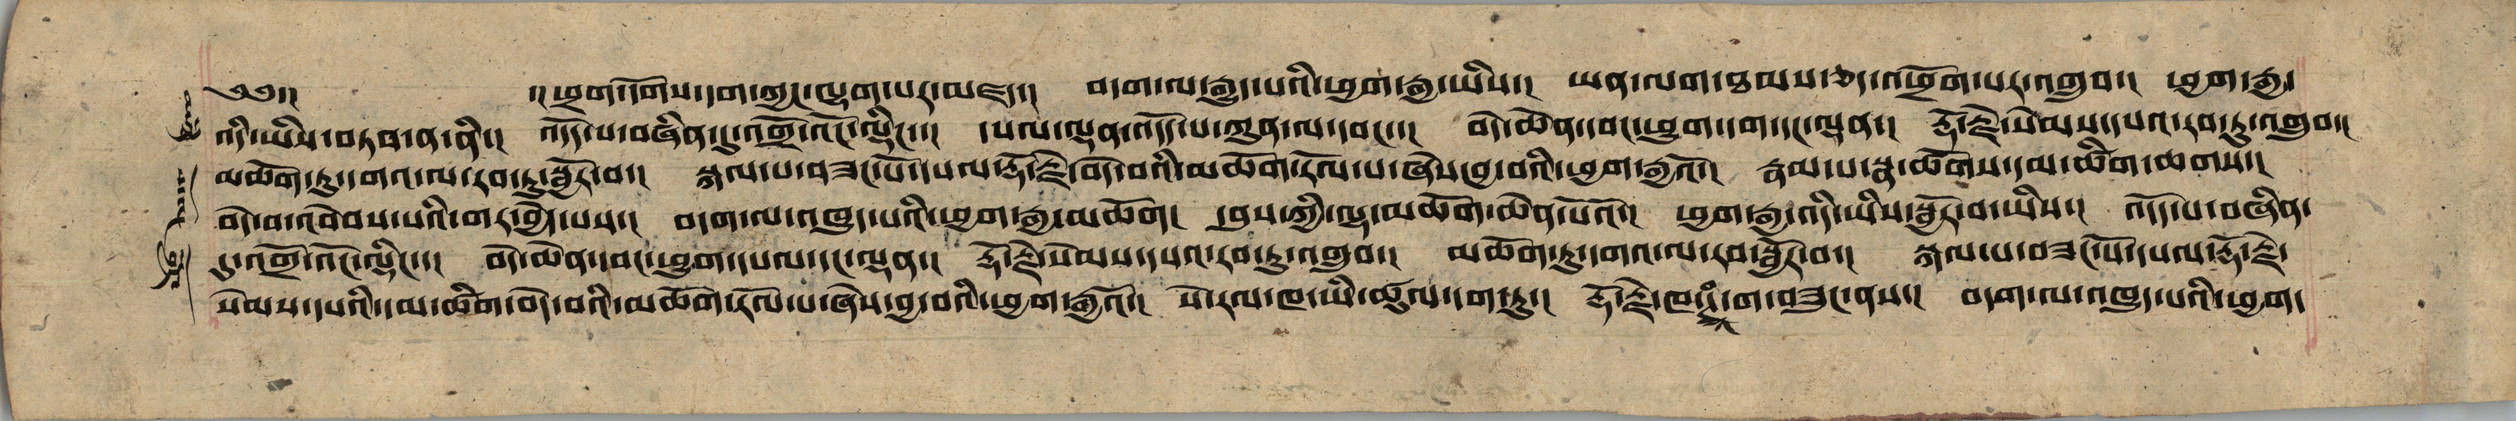༄༅་། ་།་ཕྲག་དོགས་དག་ཀྱང་ལྷག་པར་མཛད་། བདག་ལ་རྒྱུད་པའི་ཕྱག་རྒྱ་ཡིས་། ཡན་ལག་ཐམས་ཅད་འཕྲོག་པར་འགྲུབ་། ཕྱག་རྒྱ་
འདི་ཡིས་བཏབ་ན་ནི་། འདོད་པ་བཞིན་དུ་འགྲོ་འོང་ལྡིང་་། དཔལ་ལྡན་འདོད་པ་ཀུན་ལ་དབང་་། བདེ་ཆེན་དབང་ཕྱུག་དག་དང་ལྡན་། རྡོ་རྗེ་སེམས་དཔའ་རབ་ཏུ་འགྲུབ་།
མཆོག་ཏུ་དགའ་ལ་རབ་ཏུ་སྦྱོར་བ་། སྐལ་པ་བཟང་པོ་དཔལ་རྡོ་རྗེ་བདེ་བའི་མཆོག་རོལ་པ་ཞེས་བྱ་བའི་ཕྱག་རྒྱའོ་། རྣམ་པ་སྣ་ཚོགས་དམ་ཚིག་ཆགས་།
བདེ་བ་འབེབས་པའི་གར་བྱེད་པས་། བདག་ལ་འཁྱུད་པའི་ཕྱག་རྒྱ་མཆོག། དབུས་ཀྱི་ལྷ་མཆོག་ཆེན་པོའོ་། ཕྱག་རྒྱ་འདི་ཡིས་སྦྱོར་བ་ཡིས་། འདོད་པ་བཞིན་
དུ་འགྲོ་འོང་ལྡིང་་། བདེ་ཆེན་དབང་ཕྱུག་དཔལ་དང་ལྡན་། རྡོ་རྗེ་སེམས་དཔའ་རབ་ཏུ་འགྲུབ་། མཆོག་ཏུ་དགའ་ལ་རབ་སྦྱོར་བ་། སྐལ་པ་བཟང་པོ་དཔལ་རྡོ་རྗེ་
སེམས་དཔའི་དམ་ཚིག་བདེ་བའི་མཆོག་རོལ་པ་ཞེས་བྱ་བའི་ཕྱག་རྒྱའོ་། སེ་རལ་ཁ་ཡི་ཚུལ་དག་ཏུ་། རྡོ་རྗེ་ཁ་ཊྭཱཾ་ག་བཟུང་ནས་། བདག་ལ་འཁྱུད་པའི་ཕྱག་